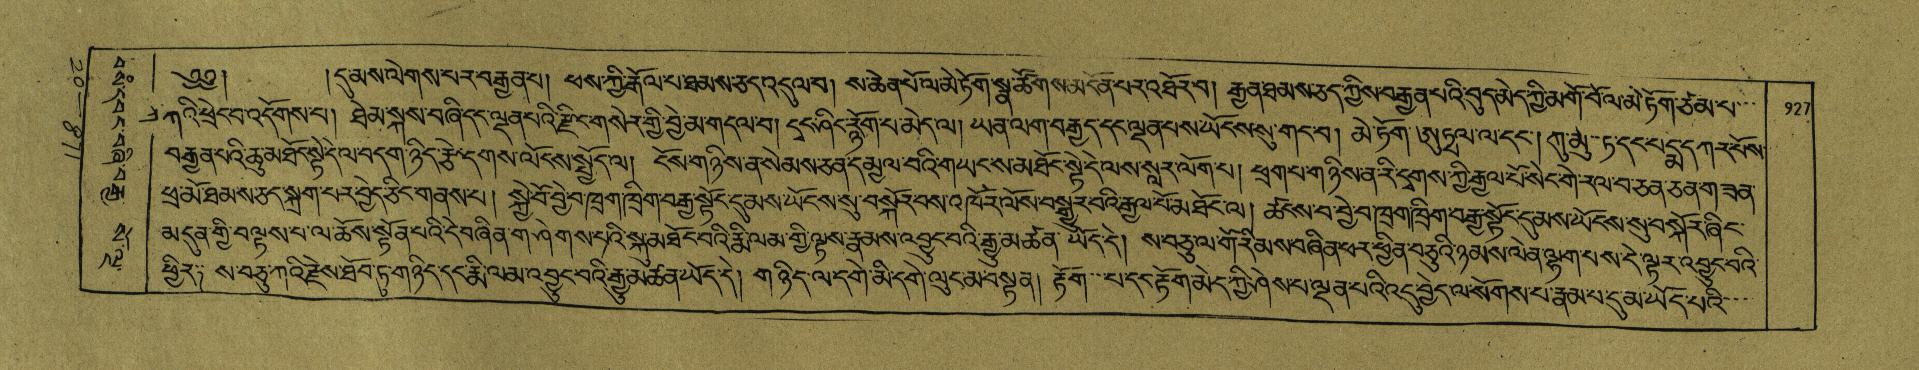༄༅། །དུ་མས་ལེགས་པར་བརྒྱན་པ། ཕས་ཀྱི་རྒོལ་པ་ཐམས་ཅད་འདུལ་བ། ས་ཆེན་པོ་ལ་མེ་ཏོག་སྣ་ཚོགས་མངོན་པར་འཐོར་བ། རྒྱན་ཐམས་ཅད་ཀྱིས་བརྒྱན་པའི་བུད་མེད་ཀྱི་མགོ་བོ་ལ་མེ་ཏོག་ཙམ་པ་
ཀའི་ཕྲེང་བ་འདོགས་པ། ཐེམ་སྐས་བཞི་དང་ལྡན་པའི་རྫིང་གསེར་གྱི་བྱེ་མ་གདལ་བ། དྭང་ཤིང་རྙོག་པ་མེད་ལ། ཡན་ལག་བརྒྱད་དང་ལྡན་པས་ཡོངས་སུ་གང་བ། མེ་ཏོག་ཨུཏྤལ་ལ་དང་། ཀུ་མུ་ཏ་དང་པདམ་དཀར་པོས་
བརྒྱན་པའི་ཆུ་མཐོང་སྟེ་དེ་ལ་བདག་ཉིད་རྩེ་དགས་ལོངས་སྤྱོད་ལ། ངོས་གཉིས་ན་སེམས་ཅན་དམྱལ་བའི་གཡང་ས་མཐོང་སྟེ་དེ་ལས་སླར་ལོག་པ། ཕྲག་པ་གཉིས་ན་རི་དྭགས་ཀྱི་རྒྱལ་པོ་སེང་གེ་རལ་བ་ཅན་ཅན་གཟན་
ཕྲ་མོ་ཐམས་ཅད་སྐྲག་པར་བྱེད་ཅིང་གནས་པ། སྐྱེ་བོ་བྱེ་བ་ཁྲག་ཁྲིག་བརྒྱ་སྟོང་དུ་མས་ཡོངས་སུ་བསྐོར་བས་འཁོར་ལོས་བསྒྱུར་བའི་རྒྱལ་པོ་མཐོང་ལ། ཚངས་བ་བྱེ་བ་ཁྲག་ཁྲིག་བརྒྱ་སྟོང་དུ་མས་ཡོངས་སུ་བསྐོར་ཞིང་
མདུན་གྱི་བལྟས་པ་ལ་ཆོས་སྟོན་པའི་དེ་བཞིན་གཤེགས་པའི་སྐུ་མཐོང་བའི་རྨི་ལམ་གྱི་ལྟས་རྣམས་འབྱུང་བའི་རྒྱུ་མཚན་ཡོད་དེ། ས་བཅུ་ལ་གོ་རིམས་བཞིན་ཕར་ཕྱིན་བཅུའི་ཉམས་ལེན་ལྷག་པས་དེ་ལྟར་འབྱུང་བའི་
ཕྱིར༑ ས་བཅུ་ཀའི་རྗེས་ཐོབ་ཏུ་གཉིད་དང་རྨི་ལམ་འབྱུང་བའི་རྒྱུ་མཚན་ཡོད་དེ། གཉིད་ལ་དགེ་མི་དགེ་ལུང་མ་བསྟན། རྟོག་པ་དང་རྟོག་མེད་ཀྱི་ཤེས་པ་ལྡན་པའི་འདུ་བྱེད་ལ་སོགས་པ་རྣམ་པ་དུ་མ་ཡོད་པའི་